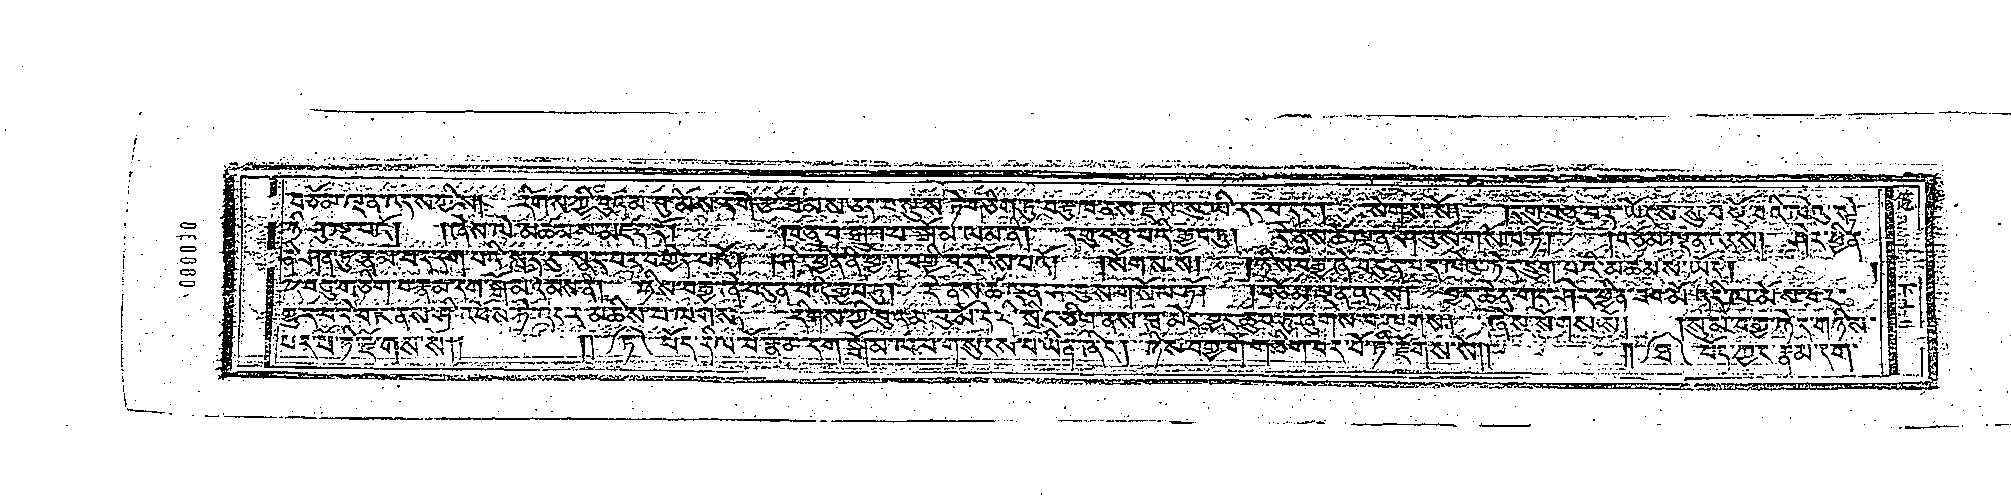བཅོམ་ལྡན་འདས་ཀྱིས། རིགས་ཀྱི་བུའམ་བུ་མོས་དགེ་རྩ་ཐམས་ཅད་བསྡུས་ཏེ་གཅིག་ཏུ་བརྟུལ་ནས་རྗེས་སུ་ཡི་རང་བ་དང་། སོགས་སོ། །དགུ་བཅུ་བར་ཡོངས་སུ་བསྔོ་བའི་ལེའུ་སྟེ་
ཉི་ཤུ་ལྔ་པའོ། །ཞེས་ལེ་མཚམས་མཛད་དོ། །བཅུ་པ་སྒྲུབ་པ་སྒོམ་ལམ་ནི། དགུ་བཅུ་པའི་རྒྱབ་ཏུ། དེ་ནས་ཚེ་ལྡན་ཤ་བུས་གསོལ་ཏོ། །བཅོམ་ལྡན་འདས། ཤེར་ཕྱིན་
ནི་ཤིན་ཏུ་རྣམ་པར་དག་པའི་སླད་དུ་སྣང་བར་བགྱིད་པའོ། །ཤེར་ཕྱིན་ནི་ཕྱག་བགྱི་བར་འོས་པའོ། །སོགས་སོ། །ཉིས་བརྒྱ་ཞེ་བདུན་པད་ལེའུ་ཉེར་དྲུག་པའི་མཚམས་ཡོད། །
༧་བཅུ་གཅིག་པ་རྣམས་དག་སྒོམ་དམས་ནི། ཉིས་བརྒྱ་ཞེ་བདུན་པའི་རྒྱབ་ཏུ། དེ་ནས་ཚེ་ལྡན་ཤ་བུས་གསོལ་ཏོ། །བཅོམ་ལྡན་འདས། བྱང་ཆེན་གང་ཤེར་ཕྱིན་ཟབ་མོ་འདི་ལ་མོས་པར་
གྱུར་པ་དེ་གང་ནས་ཤི་འཕོས་ཏེ་འདིར་མཆིས་པ་ལགས། རིགས་ཀྱི་བུའམ་བུ་མོ་དེ་ཇི་སྲིད་ཅིག་ནས་བླ་མེད་བྱང་ཆུབ་ཏུ་ཞུགས་བ་ལགས། ཞེས་སོགས་སོ། །སུམ་བརྒྱ་ཉེར་གཉིས་
པར་པོ་ཏི་རྫོགས་སོ།། །།༼ཏ྄་པོད་རིལ་པོ་རྣམ་དག་སྒོམ་ལམ་གསུངས་པ་ཡིན་ཞིང་། ཉིས་བརྒྱ་གོ་གཅིག་པར་པོ་ཏི་རྫོགས་སོ།། །། ༽ཐ྄་པོད་ཀྱང་རྣམ་དག་